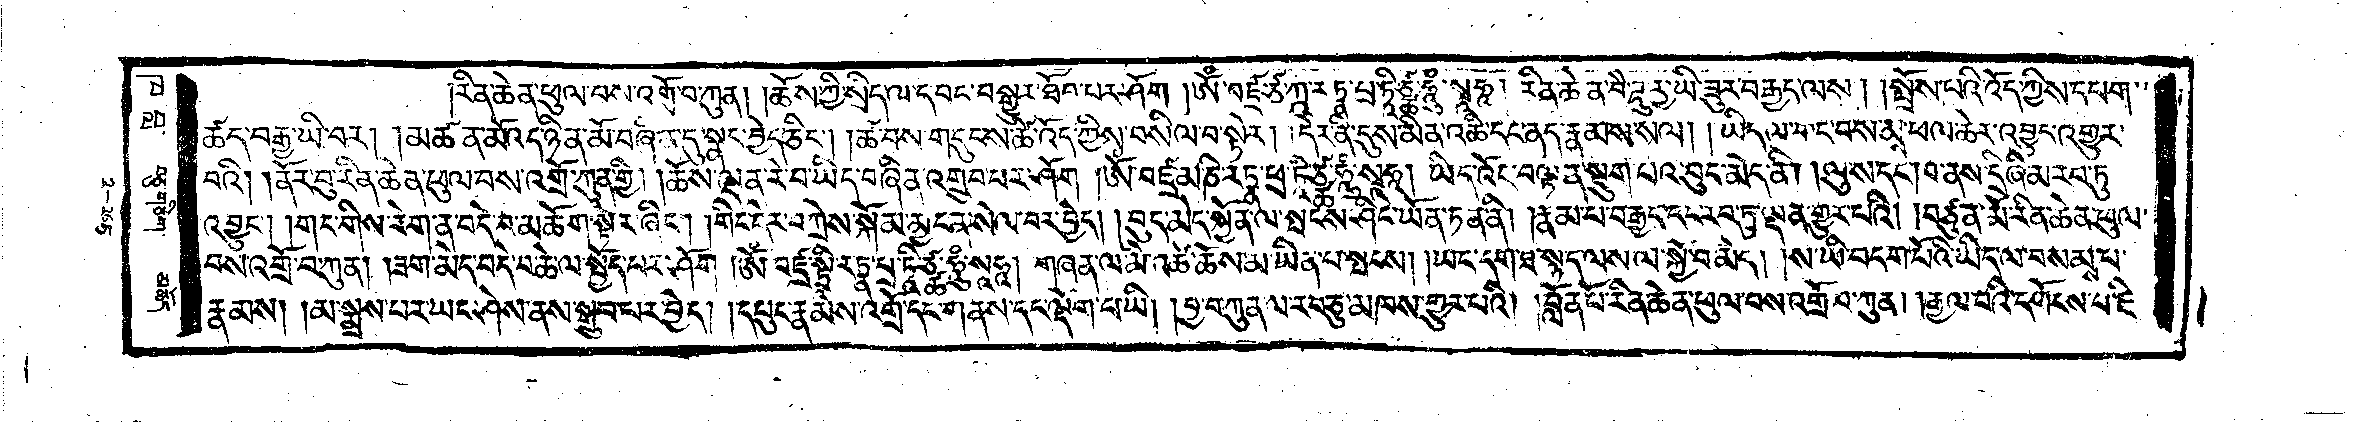༄༅། །རིན་ཆེན་ཕུལ་བས་འགྲོ་བ་ཀུན། །ཆོས་ཀྱི་སྲིད་ལ་དབང་བསྒྱུར་ཐོབ་པར་ཤོག །ཨོཾ་བཛྲ་ཙ་ཀཱ་ར་ཏན་པྲ་ཏཱི་ཙྪ་ཧཱུཾ་སྭྰྷཱ། རིན་ཆེན་བཻ་ཌཱུརྱ་ཡི་ཟུར་བརྒྱད་ལས། །སྤྲོས་པའི་འོད་ཀྱིས་དཔག་
ཚད་བརྒྱ་ཡི་བར། །མཚན་མོ་འདི་ཉིན་མོ་བཞིན་དུ་སྣང་བྱེད་ཅིང་། །ཚ་བས་གདུང་ས་ཚེ་འོད་ཀྱིས་བསིལ་བ་སྟེར། །དེར་ནི་དུས་མིན་འཆི་དང་ནད་རྣམས་སལ། །ཡིད་ལ་ལ་ང་བས་མཱ་ཕལ་ཆེར་འབྱུང་འགྱུར་
བའི། །ནོར་བུ་རིན་ཆེན་ཕུལ་བས་འགྲོ་ཀུན་གྱི། །ཆོས་ལྡན་རེ་བ་ཡིད་བཞིན་འགྲུབ་པར་ཤོག །ཨོཾ་བཛྲ་མ་ཎི་རཏྣ་ཕྲ་ཏཱི་ཙྪ་ཧཱུཾ་སྭྰྷ། ཡིད་འོང་བལྟན་སྡུག་པའི་བུད་མེད་ནི། །ལུས་དང་། བ་ནས་དྲི་ཞིམ་རབ་ཏུ་
འབྱུང་། །གང་གིས་རེག་ན་བདེ་བ་མཆོག་སྟེར་ཞིང་། །གིང་དེར་བཀྲེས་སྐོམ་མྱ་ངན་སེལ་བར་བྱེད། །བུད་མེད་སྐྱོན་ལ་སྤངས་ཤིང་ཡོན་ཏན་ནི། །རྣམ་པ་བརྒྱད་དང་རབ་ཏུ་ལྡན་གྱུར་པའི། །བཙུན་མོ་རིན་ཆེན་ཕུལ་
བས་འགྲོ་བ་ཀུན། །ཟག་མེད་བདེ་བ་ཆེ་ལ་སྤྱོད་པར་ཤོག །ཨོཾ་བཛྲ་སྟྲི་རཏྣ་པྲ་ཏཱི་ཙྪ་ཧཱུཾ་སྭྰྷཱ། གཞན་ལ་མི་འཚེ་ཆོས་མ་ཡིན་པ་སྤངས། །ཡང་དག་ཐ་སྙད་ལས་ལ་སྐྱོབ་མེད། །ས་ཡི་བདག་པོའི་ཡིད་ལ་བསམས་པ་
རྣམས། །མ་སྨྲས་པར་ཡང་ཤེས་ནས་སྒྲུབ་པར་བྱེད། །དཔུང་རྣམས་འགྲོ་དང་གནས་དང་ལྡོག་པ་ཡི། །བྱ་བ་ཀུན་ལར་བཅུ་མཁས་གྱུར་པའི། །བློན་པོ་རིན་ཆེན་ཕུལ་བས་འགྲོ་བ་ཀུན། །རྒྱལ་བའི་དགོངས་པའི་